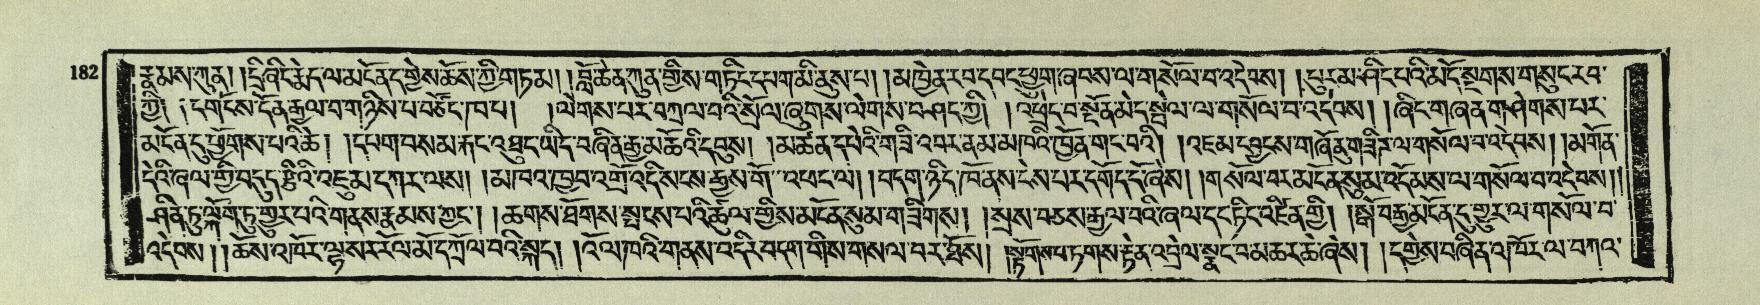རྣམས་ཀུན། །དྲི་ཞིང་རྨེད་ལ་མངོན་ད་གྱེས་ཆོས་ཀྱི་གཏམ། །བློ་ཆེན་ཀུན་གྱིས་གཏིང་དཔག་མི་ནུས་པ། །མཁྱེན་རབ་དབང་ཕྱུག་ཞབས་ལ་གསོལ་བ་འདེབས། །པུར་མ་ཤིང་པའི་མདོ་སྔགས་གསུང་རབ་
ཀྱི། །དགོངས་དོན་རྒྱལ་བ་གཉིས་པ་བཙོང་ཁ་པ། །ལེགས་པར་བཀྲལ་བའི་སྲོལ་ཞུགས་ལེགས་བཤད་ཀྱི། །འཕྲེད་བ་སྔོན་མེད་སྦེལ་ལ་གསོལ་བ་འདེབས། །ཞིང་གཞན་གཤེགས་པར་
མངོན་དུ་ཕྱོགས་པའི་ཆེ། །དཔག་བསམ་རྐང་འཐུང་ཡིད་བཞིན་རྒྱ་མཆོའི་དབུས། །མཚན་དཔེའི་གཟི་འབར་ནམ་མཁའི་ཁྱོན་གང་བའི། །འཇམ་དབྱངས་གཞོ་ནུ་གཟིཌ་ལ་གསོལ་བ་འདེབས། །མགོན་
དེའི་ཞལ་གྱི་བདུད་རྩིའི་འཇུམ་དཀར་ལས། །མཁའ་ཁྱབ་འགྲོ་འདི་སངས་རྒྱས་གོ་འཕང་ལ། །བདག་ཉིད་ཁོ་ནས་ངེས་པར་དགོད་དོ་ཞེས། །གསོལ་བར་མངོན་སུམ་འདོམས་ལ་གསོལ་བ་འདེབས། །
ཤིན་ཏུ་ལྐོག་ཏུ་གྱུར་པའི་གནས་རྣམས་ཀྱང་། །ཆགས་ཐོགས་སྤངས་པའི་ཚུལ་གྱིས་མངོན་སུམ་གཟིགས། །སྲས་བཅས་རྒྱལ་བའི་ཞ་ལ་དང་ཏིང་འཛིན་གྱི། །སྒོ་བརྒྱ་མངོན་དུ་གྱུར་ལ་གསོལ་བ་
འདེབས། །ཆོས་འཁོར་ལྷ་སར་རོལ་མོ་དཀྲོལ་བའི་སྐད། །འོལ་ཁའི་གནས་འདིར་བདག་གིས་གསལ་བར་ཐོས། །སྟོགས་པ་ཏགས་རྟེན་འབྲེལ་སྣང་བ་མཆར་ཆེ་ཞེས། །དགྱེས་བཞིན་འཁོར་ལ་བཀའ་